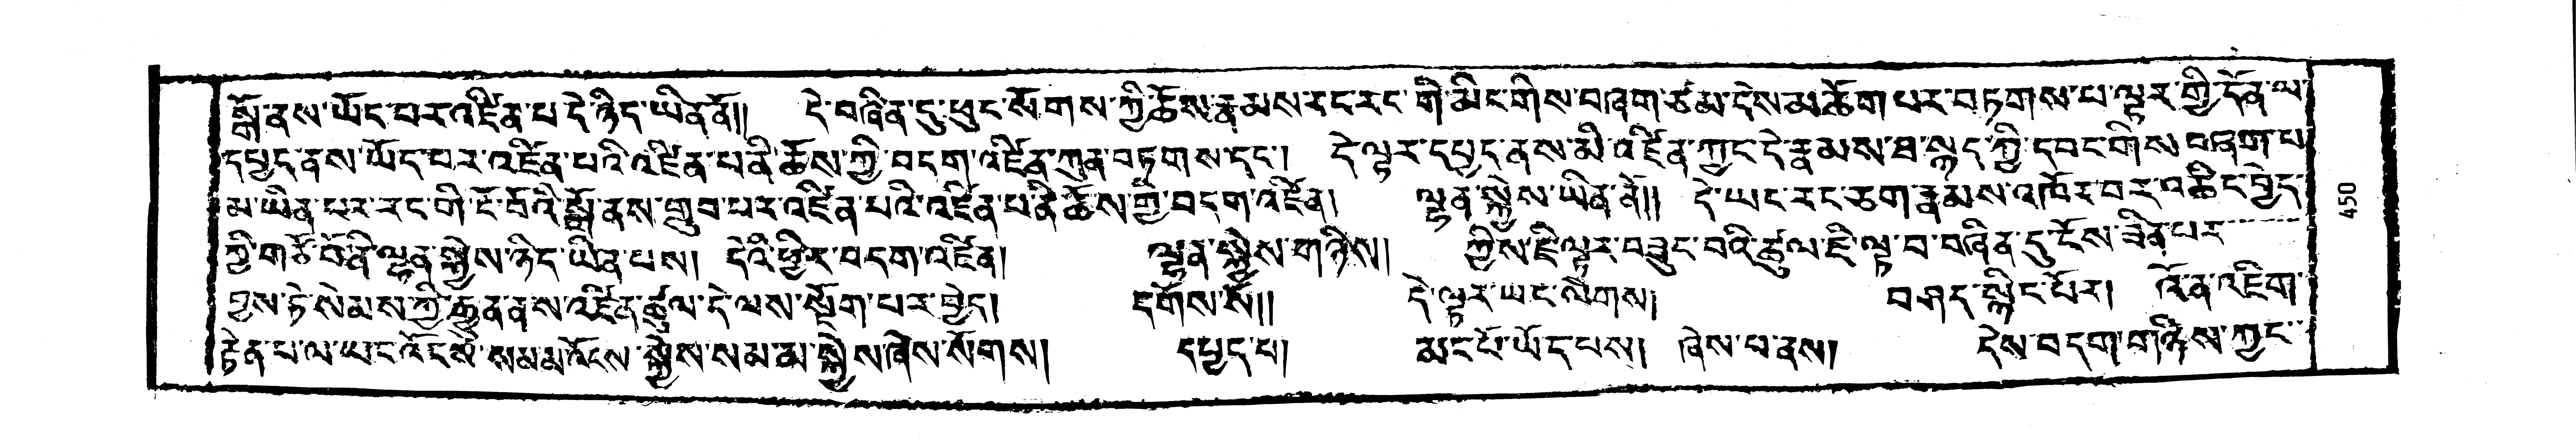སྒོ་ནས་ཡོད་པར་འཛིན་པ་དེ་ཉིད་ཡིན་ནོ།། དེ་བཞིན་དུ་ཕུང་སོགས་ཀྱི་ཆོས་རྣམས་རང་རང་གི་མིང་གིས་བཞག་ཙམ་དེས་མཆོག་པར་བཏགས་པ་ལྟར་གྱི་དོན་ལ་
དཔྱད་ནས་ཡོད་པར་འཛིན་པའི་འཛིན་པ་ནི་ཆོས་ཀྱི་བདག་འཛིན་ཀུན་བཏགས་དང་། དེ་ལྟར་དཔྱད་ནས་མི་འཛིན་ཀྱང་དེ་རྣམས་ཐ་སྙད་ཀྱི་དབང་གིས་བཞག་པ་
མ་ཡིན་པར་རང་གི་ངོ་བོའི་སྒོ་ནས་གྲུབ་པར་འཛིན་པའི་འཛིན་པ་ནི་ཆོས་གྱི་བདག་འཛིན། ལྷན་སྐྱེས་ཡིན་ནོ།། དེ་ཡང་རང་ཅག་རྣམས་འཁོར་བར་འཆིང་བྱེད་
ཀྱི་གཙོ་བོ་ནི་ལྷན་སྐྱེས་ཉིད་ཡིན་པས། དེའི་ཕྱིར་བདག་འཛིན། ལྷན་སྐྱེས་གཉིས། ཀྱིས་ཇི་ལྟར་བཟུང་བའི་ཚུལ་ཇི་ལྟ་བ་བཞིན་དུ་ངོས་ཟིན་པར་
བྱས་ཏེ་སེམས་ཀྱི་རྒྱུན་ནས་འཛིན་ཚུལ་དེ་ལས་སྡོག་པར་བྱེད། དགོས་སོ།། དེ་ལྟར་ཡང་ལེགས། བཤད་སྙིང་པོར། འོ་ན་འཇིག་
རྟེན་པ་ལ་ཡང་འོངས་སམ་མ་འོངས་སྐྱེས་སམ་མ་སྐྱེས་ཞེས་སོགས། དཔྱད་པ། མང་པོ་ཡོད་པས། ཞེས་པ་ནས། དེས་བདག་གཉིས་ཀྱང་